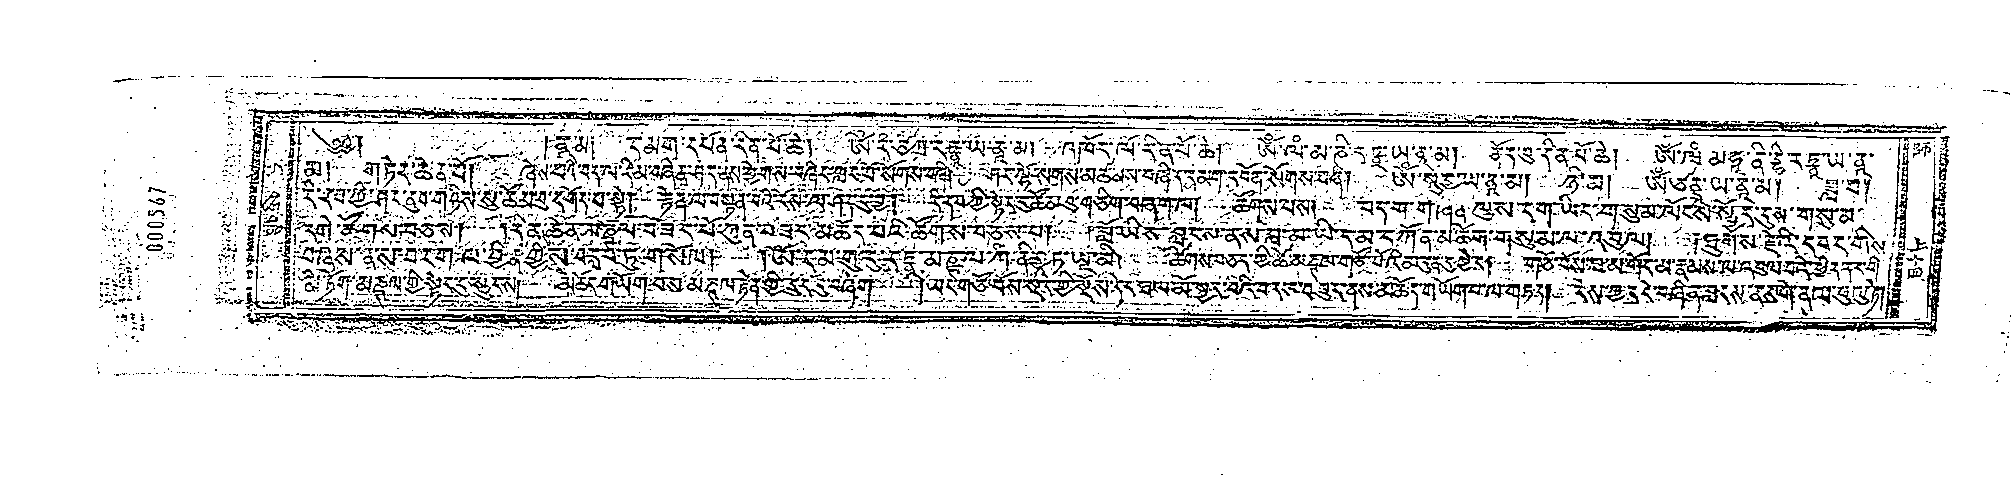༄༅། །ནཱ་མ། དམག་དཔོན་རིན་པོ་ཆེ། ཨོཾ་རཾ་ཙཀྲ་རཏྣཱ་ཡ་ནཱ་མ། འཁོར་ལོ་རིན་པོ་ཆེ། ཨོཾ་ལཾ་མ་ཎི་རཏྣཱ་ཡ་ན་མ། ནོར་བུ་རིན་པོ་ཆེ། ཨོཾ་ཝཾ་མཧཱ་ནི་དྷི་རཏྣཱ་ཡ་ནཱ་
མ། གཏེར་ཆེན་པོ། ཞེས་བའི་བར་ལ་རིམ་བཞིན་ཤད་ནས་ཕྱོགས་བཞིར་གླང་པོ་སོགས་བཞི། ཤར་ལྷོ་སོགས་མཚམས་བཞིར་དམག་དབོན་སོགས་བཞི། ཨོཾ་སཱུདྱ་ཡ་ཊཱ་མ། ཉི་མ། ཨོཾ་ཙནྡྲཱ་ཡ་ནཱ་མ། ཟླ་བ།
རི་རབ་ཀྱི་ཤར་ནུབ་གཉིས་སུ་ཚོམ་བུ་དགོད་བ་སྟེ། རྟེན་ལ་བསྟན་པའི་ངོས་ལ་ཤད་དུ་བྱ། རི་རབ་ཀྱི་སྟེང་དུ་ཚོམ་བུ་གཅིག་བཞག་ལ། ཚོགས་པས། བདག་གཞན་ལུས་ངག་ཡིད་གསུམ་ལོངས་སྤྱོད་དུས་གསུམ་
དགེ་ཚོགས་བཅས། །རིན་ཆེན་མཎྜལ་བཟང་པོ་ཀུན་བཟང་མཆོད་པའི་ཚོགས་བཅས་པ། །བློ་ཡིས་བླངས་ནས་བླ་མ་ཡི་དམ་དཀོན་མཆོག་གསུམ་ལ་འབུལ། །ཐུགས་རྗེའི་དབང་གིས་
བཞས་ནས་བདག་ལ་བྱིན་གྱིས་བརླབ་ཏུ་གསོལ། །ཨོཾ་ན་མ་གུ་རུ་རཏྣཱ་མཎྜལ་ཀཾ་ནིརྱ་ཏ་ཡཱ་མི། ཚིགས་བཅད་ཀྱི་ཚེ་མཎྜལ་གཙོ་བོའི་མདུན་དུ་ཁྱེད། གཙོ་བོས་བླ་མ་གོང་མ་རྣམས་ལ་འབུལ་བའི་ཕྱིར་རང་གི་
མེ་ཏོག་མཎྜལ་གྱི་སྟེང་དུ་སྤུངས། མཆོད་གཡོག་པས་མཎྜལ་རྟེན་གྱི་དྲུང་དུ་བཞག །ཡང་གཙོ་བོས་སྔར་གྱི་སྔོས་དེར་ཐལ་མོ་སྦྱར་བའི་བར་དུ་བཟུང་ནས་མཆོད་གཡོག་པ་ལ་གཏད། ངེས་ཀྱང་དེ་བཞིན་བླངས་ནས་མཎྜལ་ཕུལ་ཏེ།